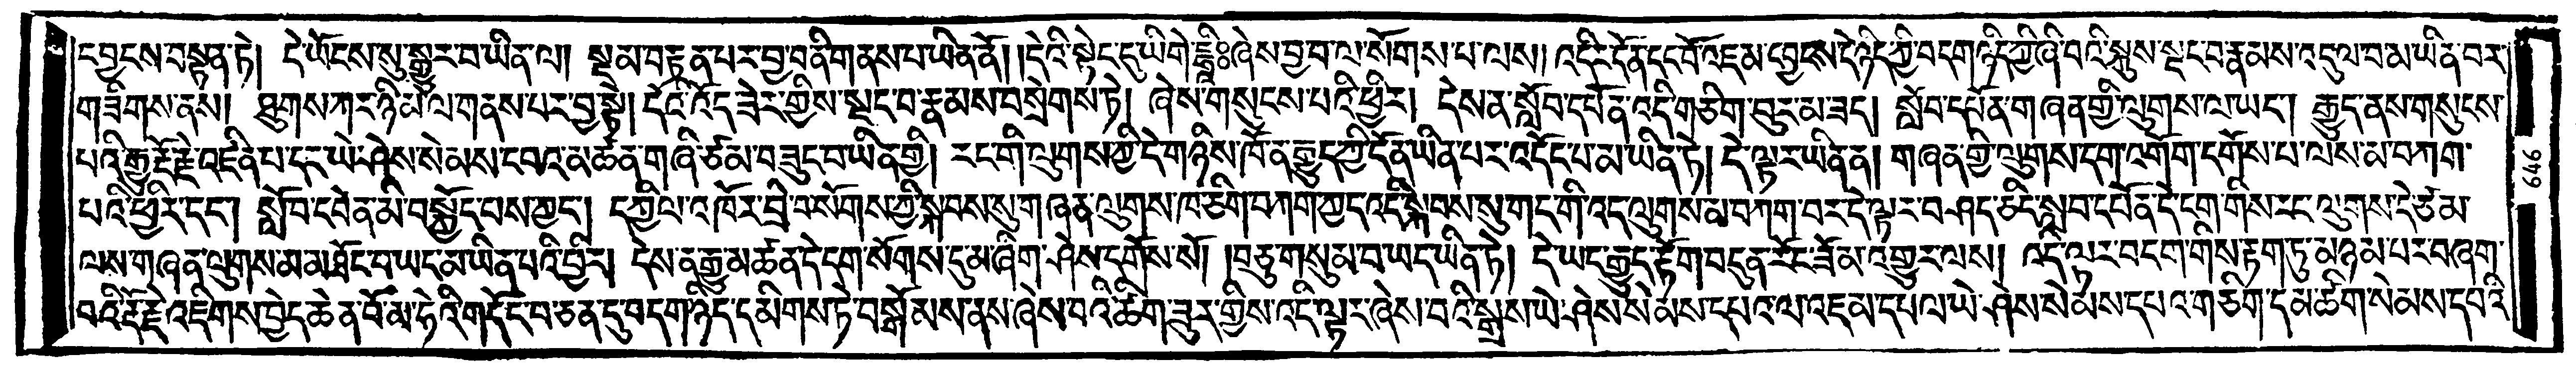དབྱངས་བསྟན་ཏེ། དེ་ཡོངས་སུ་སྒྱུར་བ་ཡིན་ལ། སྡམ་བརྟན་པར་བྱ་བ་ནི་གནས་པ་ཡིན་ནོ། །དེའི་སྟེང་དུ་ཡི་གེ་དྷཱིཿཞེས་བྱ་བ་ལ་སོགས་པ་ལས། འདིར་དོན་དང་པོ་འཇམ་དབྱངས་དེ་ཉིད་ཀྱི་བདག་ཉིད་ཀྱི་ཞི་བའི་སྐུས་སྡང་བ་རྣམས་འདུལ་བ་མ་ཡིན་པར་
གཟིགས་ནས། ཐུགས་ཀར་ཉི་མ་ལ་གནས་པར་བྱ་སྟེ། དོའི་འོད་ཟེར་གྱིས་སྡང་བ་རྣམས་བསྲེགས་ཏེ། ཞེས་གསུངས་པའི་ཕྱིར། དེས་ན་སློབ་དཔོན་འདི་གཅིག་བུར་མ་ཟད། སློབ་དཔོན་གཞན་གྱི་ལུགས་ལ་ཡང་། རྒྱུད་ནས་གསུངས་
པའི་རྒྱུ་རྡོ་རྗེ་འཛིན་པ་དང་ཡེ་ཤེས་སེམས་དཔའ་མཚན་གཞི་ཙམ་བཟུང་བ་ཡིན་གྱི། རང་གི་ལུགས་ཀྱི་དེ་གཉིས་ཁོ་ན་རྒྱུད་ཀྱི་དོན་ཡིན་པར་འདོད་པ་མ་ཡིན་ཏེ། དེ་ལྟར་ཡིན་ན། གཞན་གྱི་ལུགས་དག་འགོག་དགོས་པ་ལས་མ་བཀག་
པའི་ཕྱིར་དང་། སློབ་དཔོན་མི་བསྐྱོད་པས་ཀྱང་། དཀྱིལ་འཁོར་བྲི་བ་སོགས་ཀྱི་སྐབས་སུ་གཞན་ལུགས་ཁ་ཅིག་བཀག་ཀྱང་འདི་སྐབས་སུ་གང་གིའང་ལུགས་མ་བཀག་བར་དེ་ལྟར་བཤད་ཅིང་སློབ་དཔོན་དེ་དག་གིས་རང་ལུགས་དེ་ཙམ་
ལས་གཞན་ལུགས་མ་མཐོང་བ་ཡང་མ་ཡིན་པའི་ཕྱིར། དེས་ན་རྒྱུ་མཚན་དེ་དག་སོགས་དུ་མ་ཞིག་ཤེས་དགོས་སོ། །བཅུ་གསུམ་བ་ཡང་ཡིན་ཏེ། དེ་ཡང་རྒྱུད་རྟོག་བདུན་རོང་ཟོམ་འགྱུར་ལས། འདི་ལྟར་བདག་གིས་རྟག་ཏུ་མཉམ་པར་བཞག་
བའི་རྡོ་རྗེ་འཇིགས་བྱེད་ཆེན་པོ་མ་ཧེའི་གདོང་བ་ཅན་དུ་བདག་ཉིད་དམིགས་ཏེ་བསྒོམས་ནས་ཞེས་པའི་ཚིག་ཟུར་གྱིས་འདི་ལྟར་ཞེས་བའི་སྒྲས་ཡེ་ཤེས་སེམས་དཔའ་ལ་འཇམ་དཔལ་ཡེ་ཤེས་སེམས་དཔའ་གཅིག་དམ་ཚིག་སེམས་དཔའི་